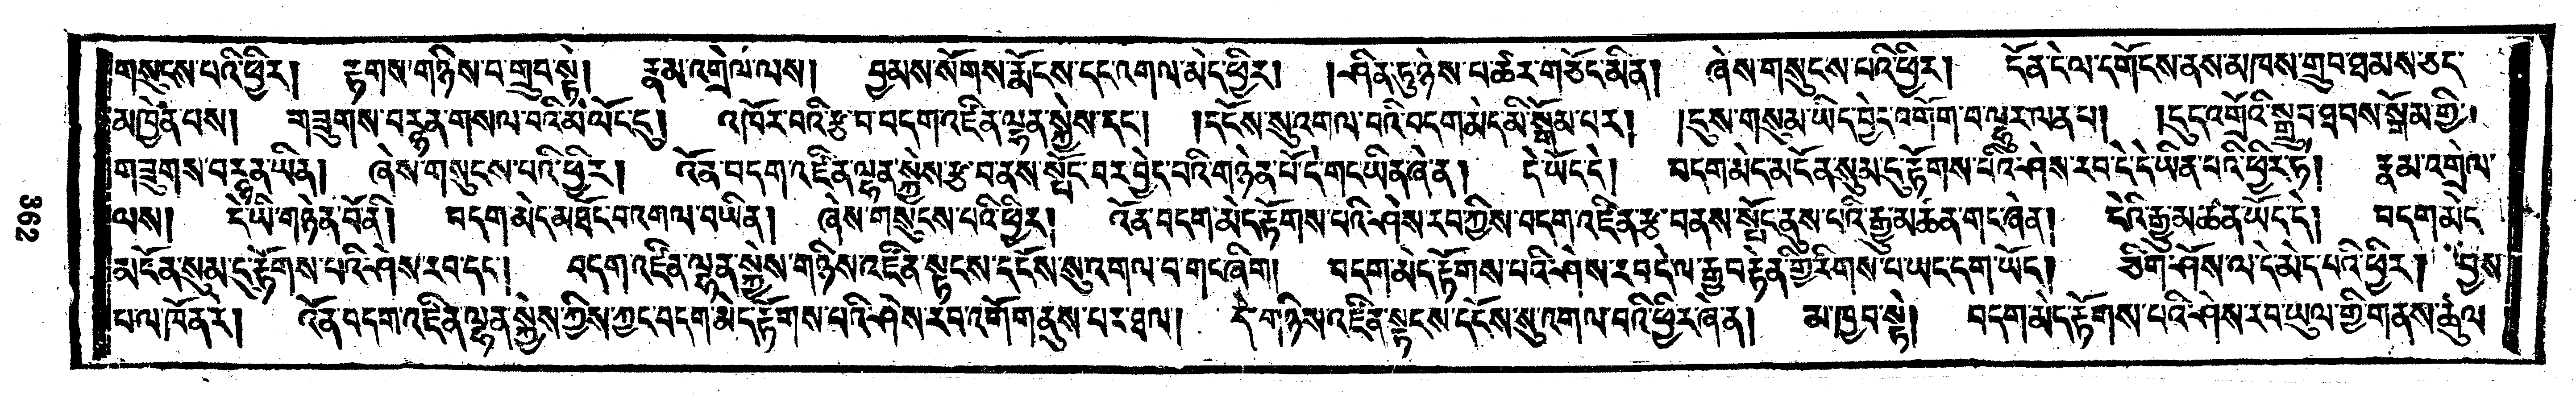གསུངས་པའི་ཕྱིར། རྟགས་གཉིས་བ་གྲུབ་སྟེ། རྣམ་འགྲེལ་ལས། བྱམས་སོགས་རྨོངས་དང་འགལ་མེད་ཕྱིར། །ཤིན་ཏུ་ཉེས་པ་ཚར་གཅོད་མིན། ཞེས་གསུངས་པའི་ཕྱིར། དོན་དེ་ལ་དགོངས་ནས་མཁས་གྲུབ་ཐམས་ཅད་
མཁྱེན་པས། གཟུགས་བརྙན་གསལ་བའི་མེ་ལོང་དུ། འཁོར་བའི་རྩ་བ་བདག་འཛིན་ལྷན་སྐྱེས་དང་། །དངོས་སུ་འགལ་བའི་བདག་མེད་མི་སྒོམ་པར། །དུས་གསུམ་ཡིད་བྱེད་འགོག་བ་ལྷུར་ལན་པ། །དུད་འགྲོའི་སྒྲུབ་ཐབས་སྒོམ་གྱི།
གཟུགས་བརྙན་ཡིན། ཞེས་གསུངས་པའི་ཕྱིར། འོན་བདག་འཛིན་ལྷན་སྐྱེས་རྩ་བ་ནས་སྤོང་བར་བྱེད་པའི་གཉེན་པོ་དེ་གང་ཡིན་ཞེ་ན། དེ་ཡོད་དེ། བདག་མེད་མངོན་སུམ་དུ་རྟོགས་པའི་ཤེས་རབ་དེ་དེ་ཡིན་པའི་ཕྱིར་ཏེ། རྣམ་འགྲེལ་
ལས། དེ་ཡི་གཉེན་པོ་ནི། བདག་མེད་མཐོང་བ་འགལ་བ་ཡིན། ཞེས་གསུངས་པའི་ཕྱིར། འོན་བདག་མེད་རྟོགས་པའི་ཤེས་རབ་ཀྱིས་བདག་འཛིན་རྩ་བ་ནས་སྤོང་ནུས་པའི་རྒྱུ་མཚན་གང་ཞེ་ན། དེའི་རྒྱུ་མཚན་ཡོད་དེ། བདག་མེད་
མངོན་སུམ་དུ་རྟོགས་པའི་ཤེས་རབ་དང་། བདག་འཛིན་ལྷན་སྐྱེས་གཉིས་འཛིན་སྟངས་དངོས་སུ་འགལ་བ་གང་ཞིག། བདག་མེད་རྟོགས་པའི་ཤེས་རབ་དེ་ལ་རྒྱབ་རྟེན་གྱི་རིགས་པ་ཡང་དག་ཡོད། ཅིག་ཤོས་ལ་དེ་མེད་པའི་ཕྱིར། བྱས་
པ་ལ་ཁོ་ན་རེ། འོ་ན་བདག་འཛིན་ལྷན་སྐྱེས་ཀྱིས་ཀྱང་བདག་མེད་རྟོགས་པའི་ཤེས་རབ་འགོག་ནུས་པར་ཐལ། དེ་གཉིས་འཛིན་སྟངས་དངོས་སུ་འགལ་བའི་ཕྱིར་ཞེ་ན། མ་ཁྱབ་སྟེ། བདག་མེད་རྟོགས་པའི་ཤེས་རབ་ཡུལ་གྱི་གནས་ཚུལ་